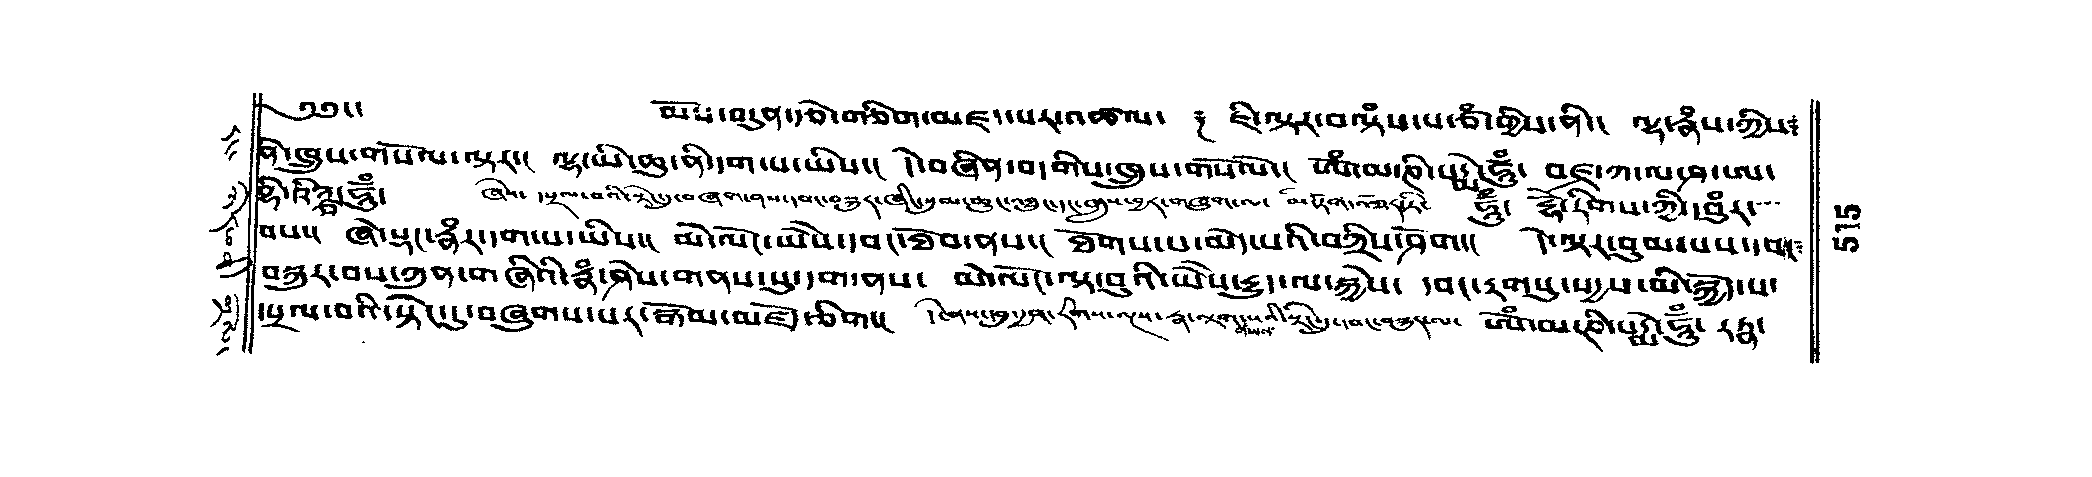མོས་བདུན་རྩེ་གཅིག་མཛད་པར་འཚལ། ཇི་ལྟར་བལྟམས་པ་ཙམ་གྱིས་ནི། །ལྷ་རྣམས་ཀྱིས་
ནི་ཁྲུས་གསོལ་ལྟར། །ལྷ་ཡིས་ཆུ་ནི་དག་པ་ཡིས། །དེ་བཞིན་བདག་གིས་ཁྲུས་གསོལ་ལོ། །ཨོཾ་མ་ཎི་པདྨེ་ཧཱུྃ། བཛྲ་ཀ་ལ་ཤ་ཨ་
བྷི་རིཉྩ་ཧཱུྃ། ཞེས་དཔྲལ་བའི་སྟེང་དུ་བཞག་ནས་དབང་བསྐུར་ཞིང་བུམ་ཆུ་འཐུང་དང་ཁྲུས་བྱར་གཞུག་ལ་མེ་ཏོག་འཐོར་ཏེ། རྡོ་རྗེ་རིགས་ཀྱི་དབང་
བསྐུར་བས། །ཞེ་སྡང་རྣམ་པར་དག་པ་ཡིས། །མེ་ལོང་ཡེ་ཤེས་དབང་ཐོབ་ནས། །ཐོགས་པ་མེད་པའི་བཀྲ་ཤིས་ཤོག །དེ་ལྟར་བུམ་པའི་དབང་
བསྐུར་བས་ཀུན་གཞིའི་རྣམ་ཤེས་གནས་སུ་དག་ནས་མེ་ལོང་ལྟ་བུའི་ཡེ་ཤེས་རྒྱུད་ལ་སྐྱེས། དབང་རྟགས་སུ་སངས་རྒྱས་མི་བསྐྱོད་པ་
དཔྲལ་བའི་སྟེང་དུ་བཞུགས་པར་སྒོམ་མཛོད་ཅིག དེ་ནས་དབུ་རྒྱན་རིགས་ལྔའི་རྣ་ལྟག་གཡས་པའི་སྟེང་་དུ་དབང་བསྐུར་ལ། ཨོཾ་མ་ཎི་པདྨེ་ཧཱུྃ། རཏྣ་